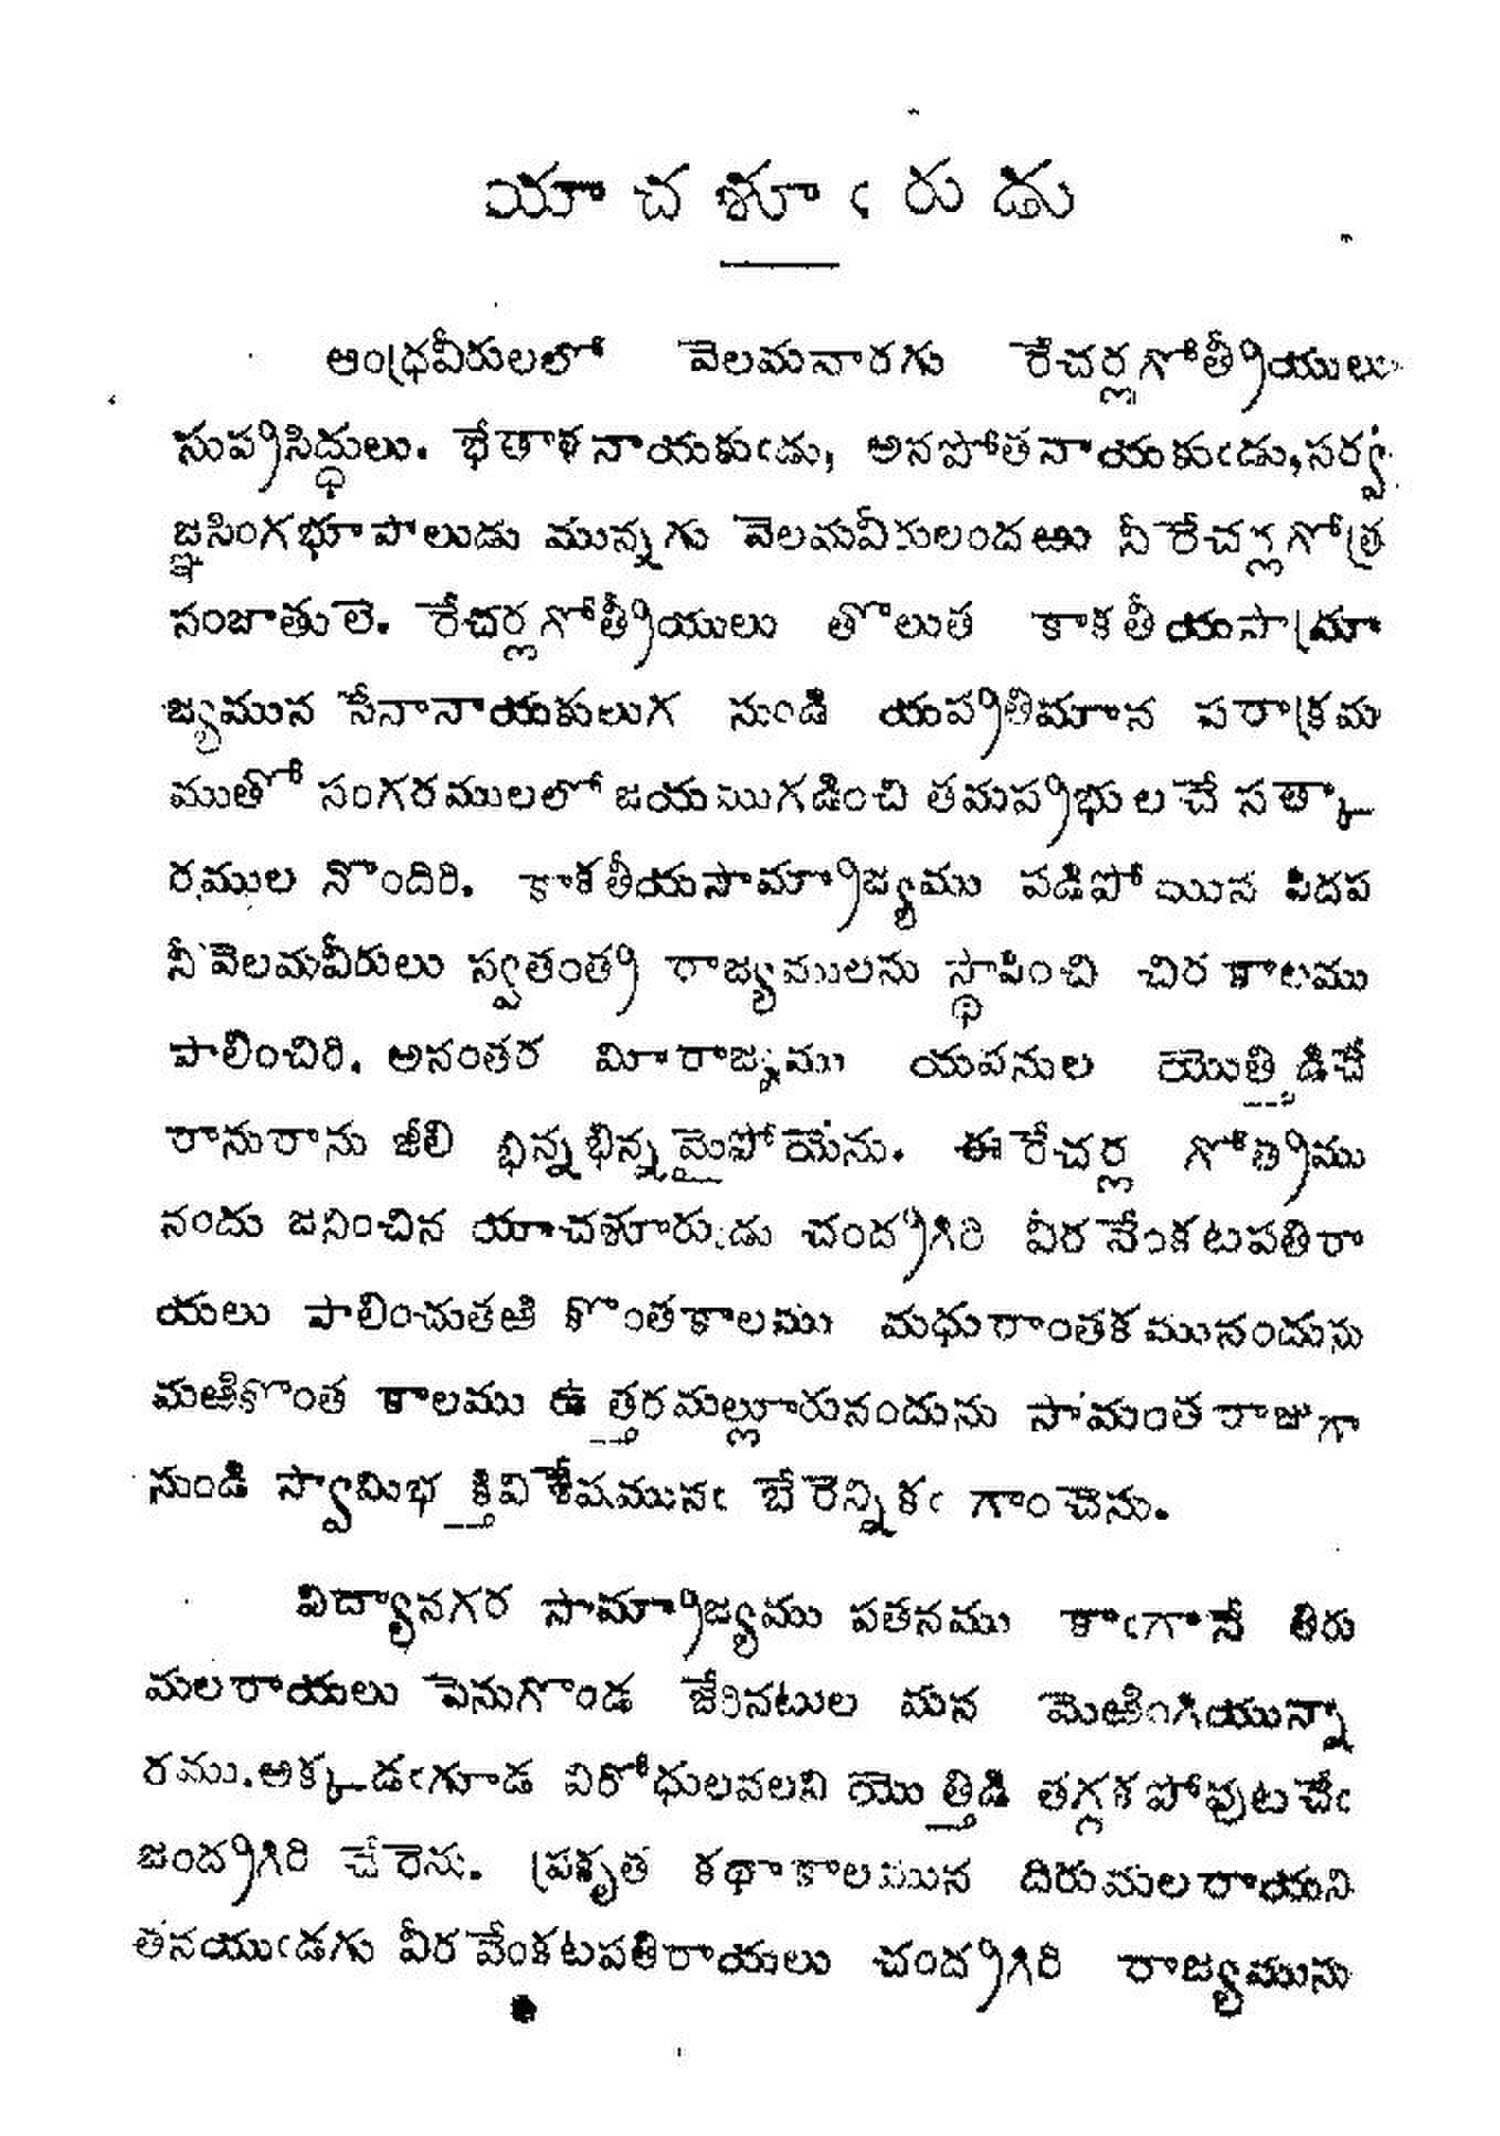ఆంధ్రవీరులలో వెలమవారగు రేచర్లగోత్రీయులు సుప్రసిద్ధులు. భేతాళనాయకుడు, అనపోతనాయకుడు, సర్వజ్ఞసింగభూపాలుడు మున్నగు వెలమవీరులందఱు నీ రేచర్లగోత్ర సంజాతులె. రేచర్లగోత్రీయులు తొలుత కాకతీయసామ్రాజ్యమున సేనానాయకులుగ నుండి యప్రతిమాన పరాక్రమముటొ సంగరములలో జయముగడించి తమప్రభువులచే సత్కారముల నొందిరి. కాకతీయసామ్రాజ్యము పడిపోయిన పిదప నీ వెలమవీరులు స్వతంత్ర రాజ్యములను స్థాపించి చిరకాలము పాలించిరి. అనంతర మీరాజ్యము యవనుల యొత్తిడిచే రానురాను జీలి భిన్నభిన్నమైపోయెను. ఈరేచర్ల గోత్రము నందు జనించిన యాచశూరుడు చంద్రగిరి వీరవేంకటపతిరాయలు పాలించుతఱి కొంతకాలము మధురాంతకమునందును మఱికొంత కాలము ఉత్తరమల్లూరునందును సామంతరాజుగా నుండి స్వామిభక్తివిశేషమున బేరెన్నిక గాంచెను.

విద్యానగర సామ్రాజ్యము పతనము కాగానే తిరుమలరాయలు పెనుగొండ జేరినటుల మన మెఱింగియున్నారము. అక్కడగూడ విరోధులవలని యొత్తిడి తగ్గకపోవుటచే జంద్రగిరి చేరెను. ప్రకృత కథాకాలమున దిరుమలరాయని తనయుడగు వీర వేంకటపతిరాయలు చంద్రగిరి రాజ్యమును